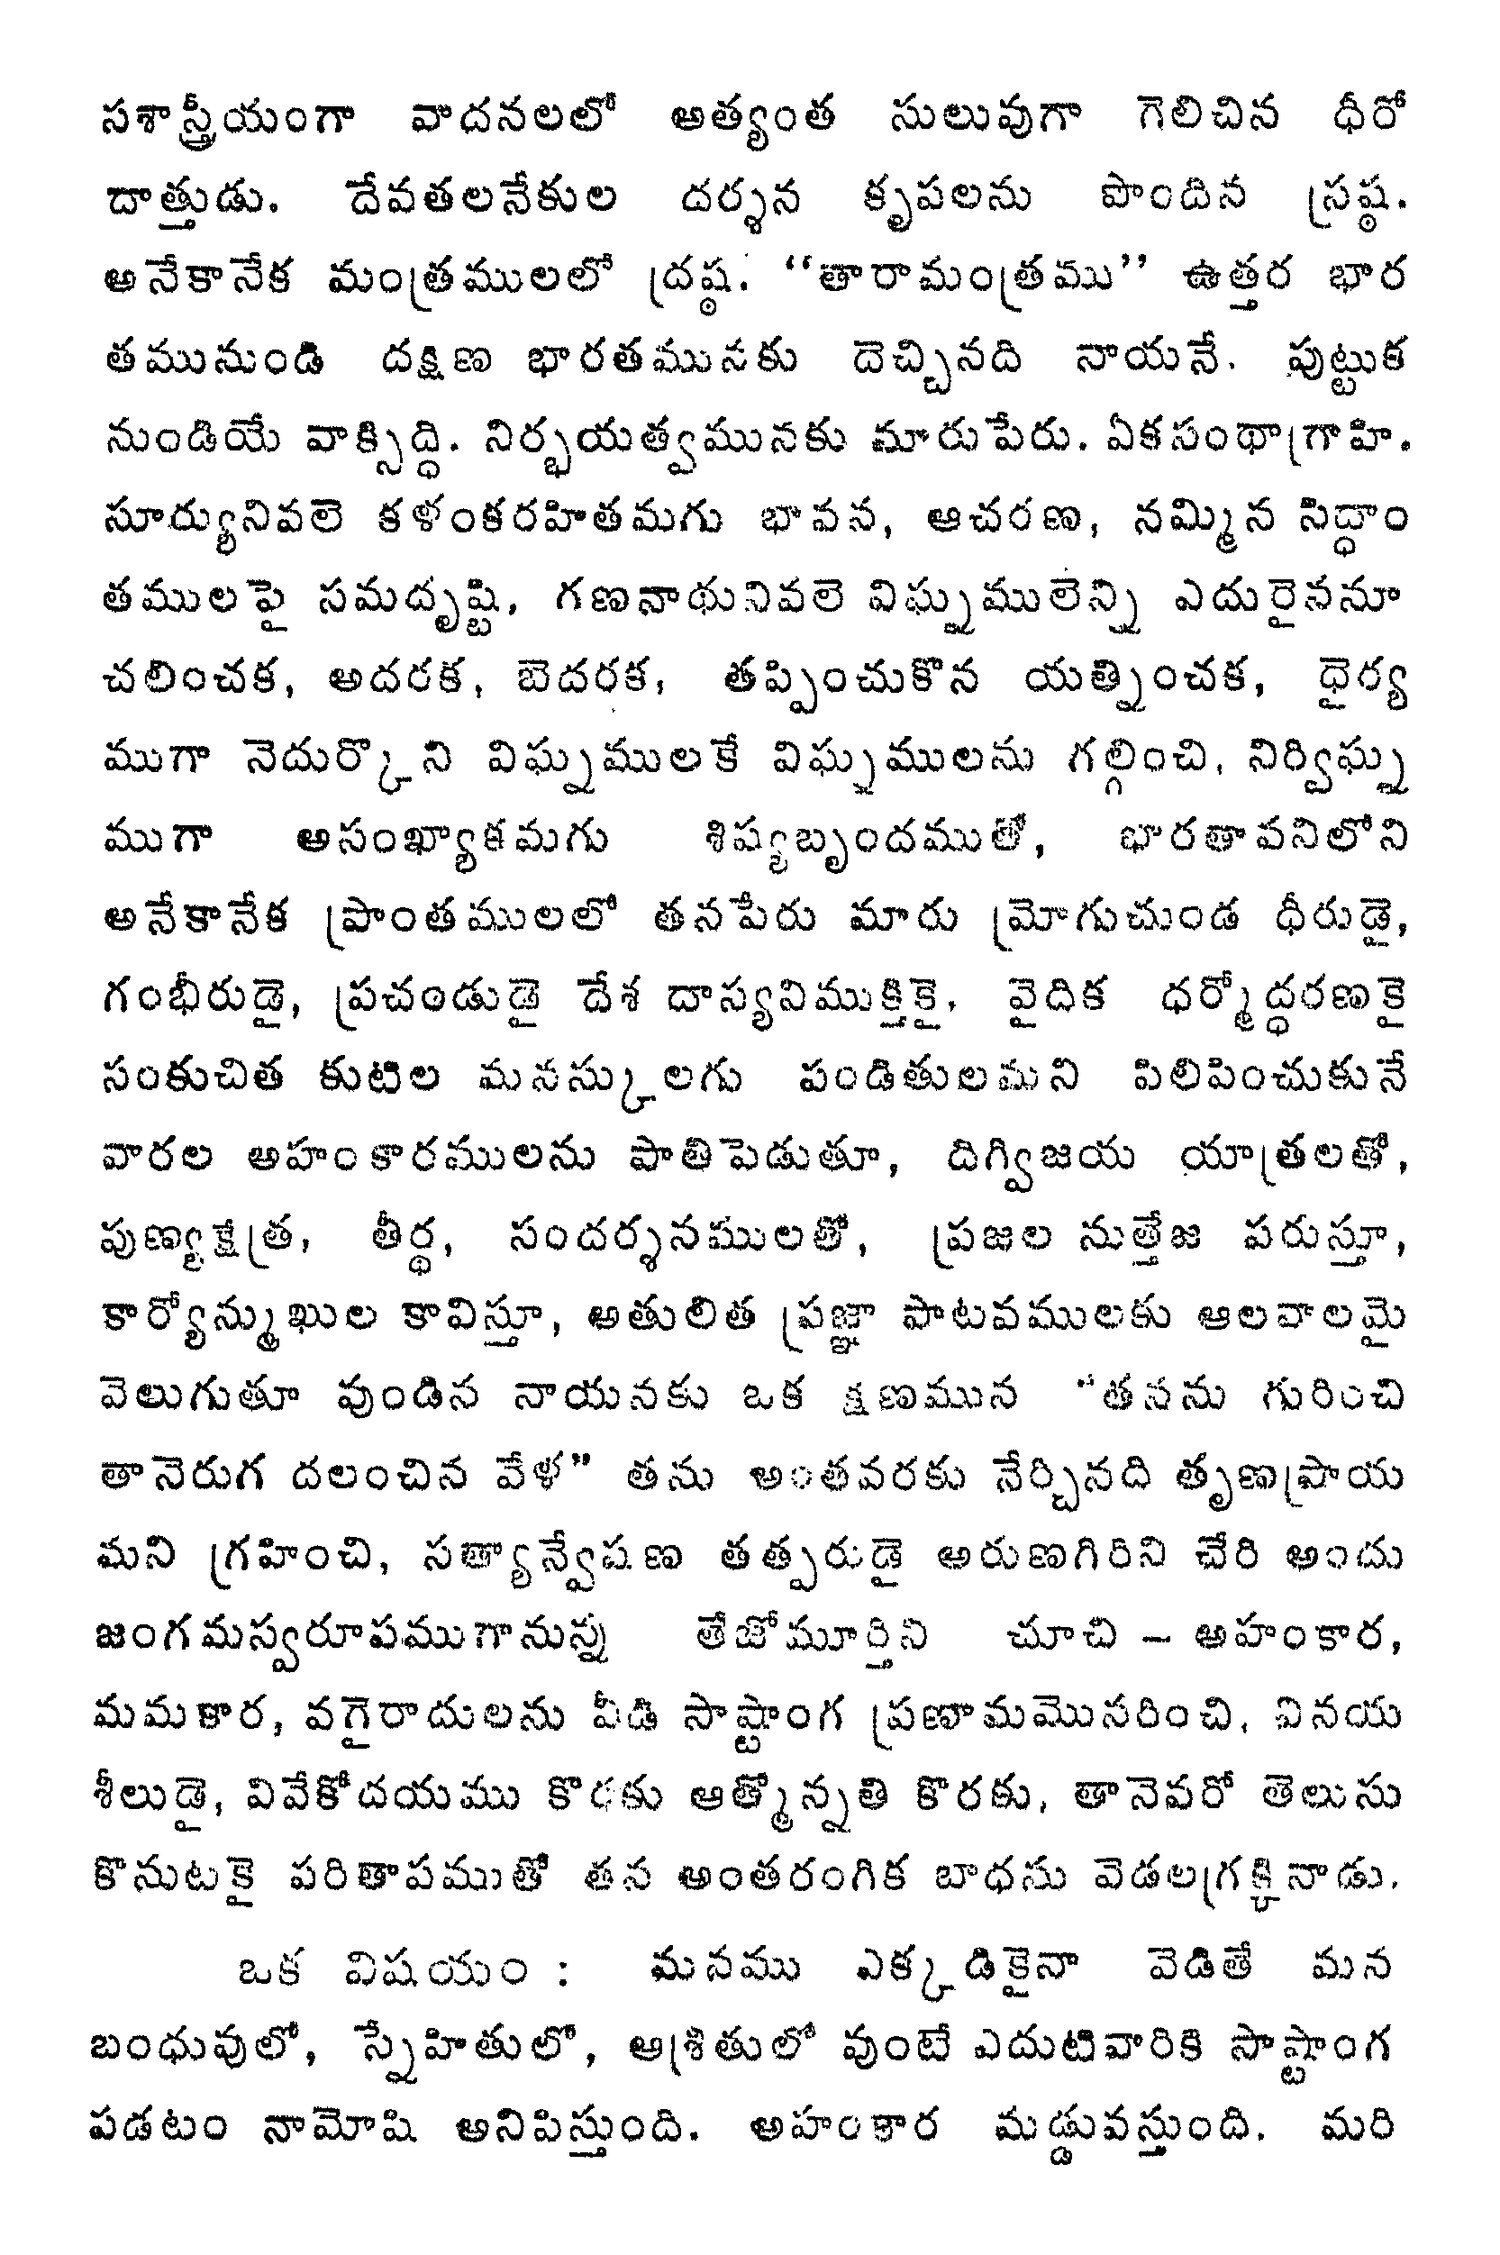సశాస్త్రీయంగా వాదనలలో అత్యంత సులువుగా గెలిచిన ధీరోదాత్తుడు. దేవతలనేకుల దర్శన కృపలను పొందిన స్రష్ఠ. అనేకానేక మంత్రములలో ద్రష్ఠ. " తారామంత్రము" ఉత్తర భారతమునుండి దక్షిణ భారతమునకు దెచ్చినది నాయనే. పుట్టుక నుండియే వాక్సిద్ది, నిర్భయత్వమునకు మారుపేరు. ఏకసంథాగ్రాహి. సూర్యునివలె కళంకరహితమగు భావన, ఆచరణ, నమ్మిన సిద్దాంతములపై సమదృష్టి, గణనాథునివలె విఘ్నములెన్ని ఎదురైననూ చలించక, అదరక, బెదరక, తప్పించుకొన యత్నించక, ధైర్యముగా నెదుర్కొని విఘ్నములకే విఘ్నములను గల్గించి. నిర్విఘ్నముగా అసంఖ్యాకమగు శిష్యబృందముతో, భారతావనిలోని అనేకానేక ప్రాంతములలో తనపేరు మారు మ్రోగుచుండ ధీరుడై, గంభీరుడై, ప్రచండుడై దేశ దాస్యవిముక్తికై, వైదిక ధర్మోద్ధరణకై సంకుచిత కుటిల మనస్కులగు పండితులమని పిలిపించుకునే వారల అహంకారములను పాతిపెడుతూ, దిగ్విజయ యాత్రలతో, పుణ్యక్షేత్ర, తీర్థ, సందర్శనములతో, ప్రజల నుత్తేజ పరుస్తూ, కార్యోన్ముఖుల కావిస్తూ, అతులిత ప్రజ్ఞా పాటవములకు ఆలవాలమై వెలుగుతూ వుండిన నాయనకు ఒక క్షణమున "తనను గురించి తానెరుగ దలంచిన వేళ" తను అంతవరకు నేర్చినది తృణప్రాయమని గ్రహించి, సత్యాన్వేషణ తత్పరుడై అరుణగిరిని చేరి అందు జంగమస్వరూపముగానున్న తేజోమూర్తిని చూచి - అహంకార, మమకార, వగైరాదులను వీడి సాష్టాంగ ప్రణామమొనరించి, వినయ శీలుడై, వివేకోదయము కొరకు ఆత్మోన్నతి కొరకు, తానెవరో తెలుసు కొనుటకై పరితాపముతో తన అంతరంగిక బాధను వెడలగ్రక్కినాడు.

ఒక విషయం : మనము ఎక్కడికైనా వెడితే మన బంధువులో, స్నేహితులో, ఆశ్రితులో వుంటే ఎదుటివారికి సాష్టాంగ పడటం నామోషి అనిపిస్తుంది. అహంకార మడ్డువస్తుంది. మరి